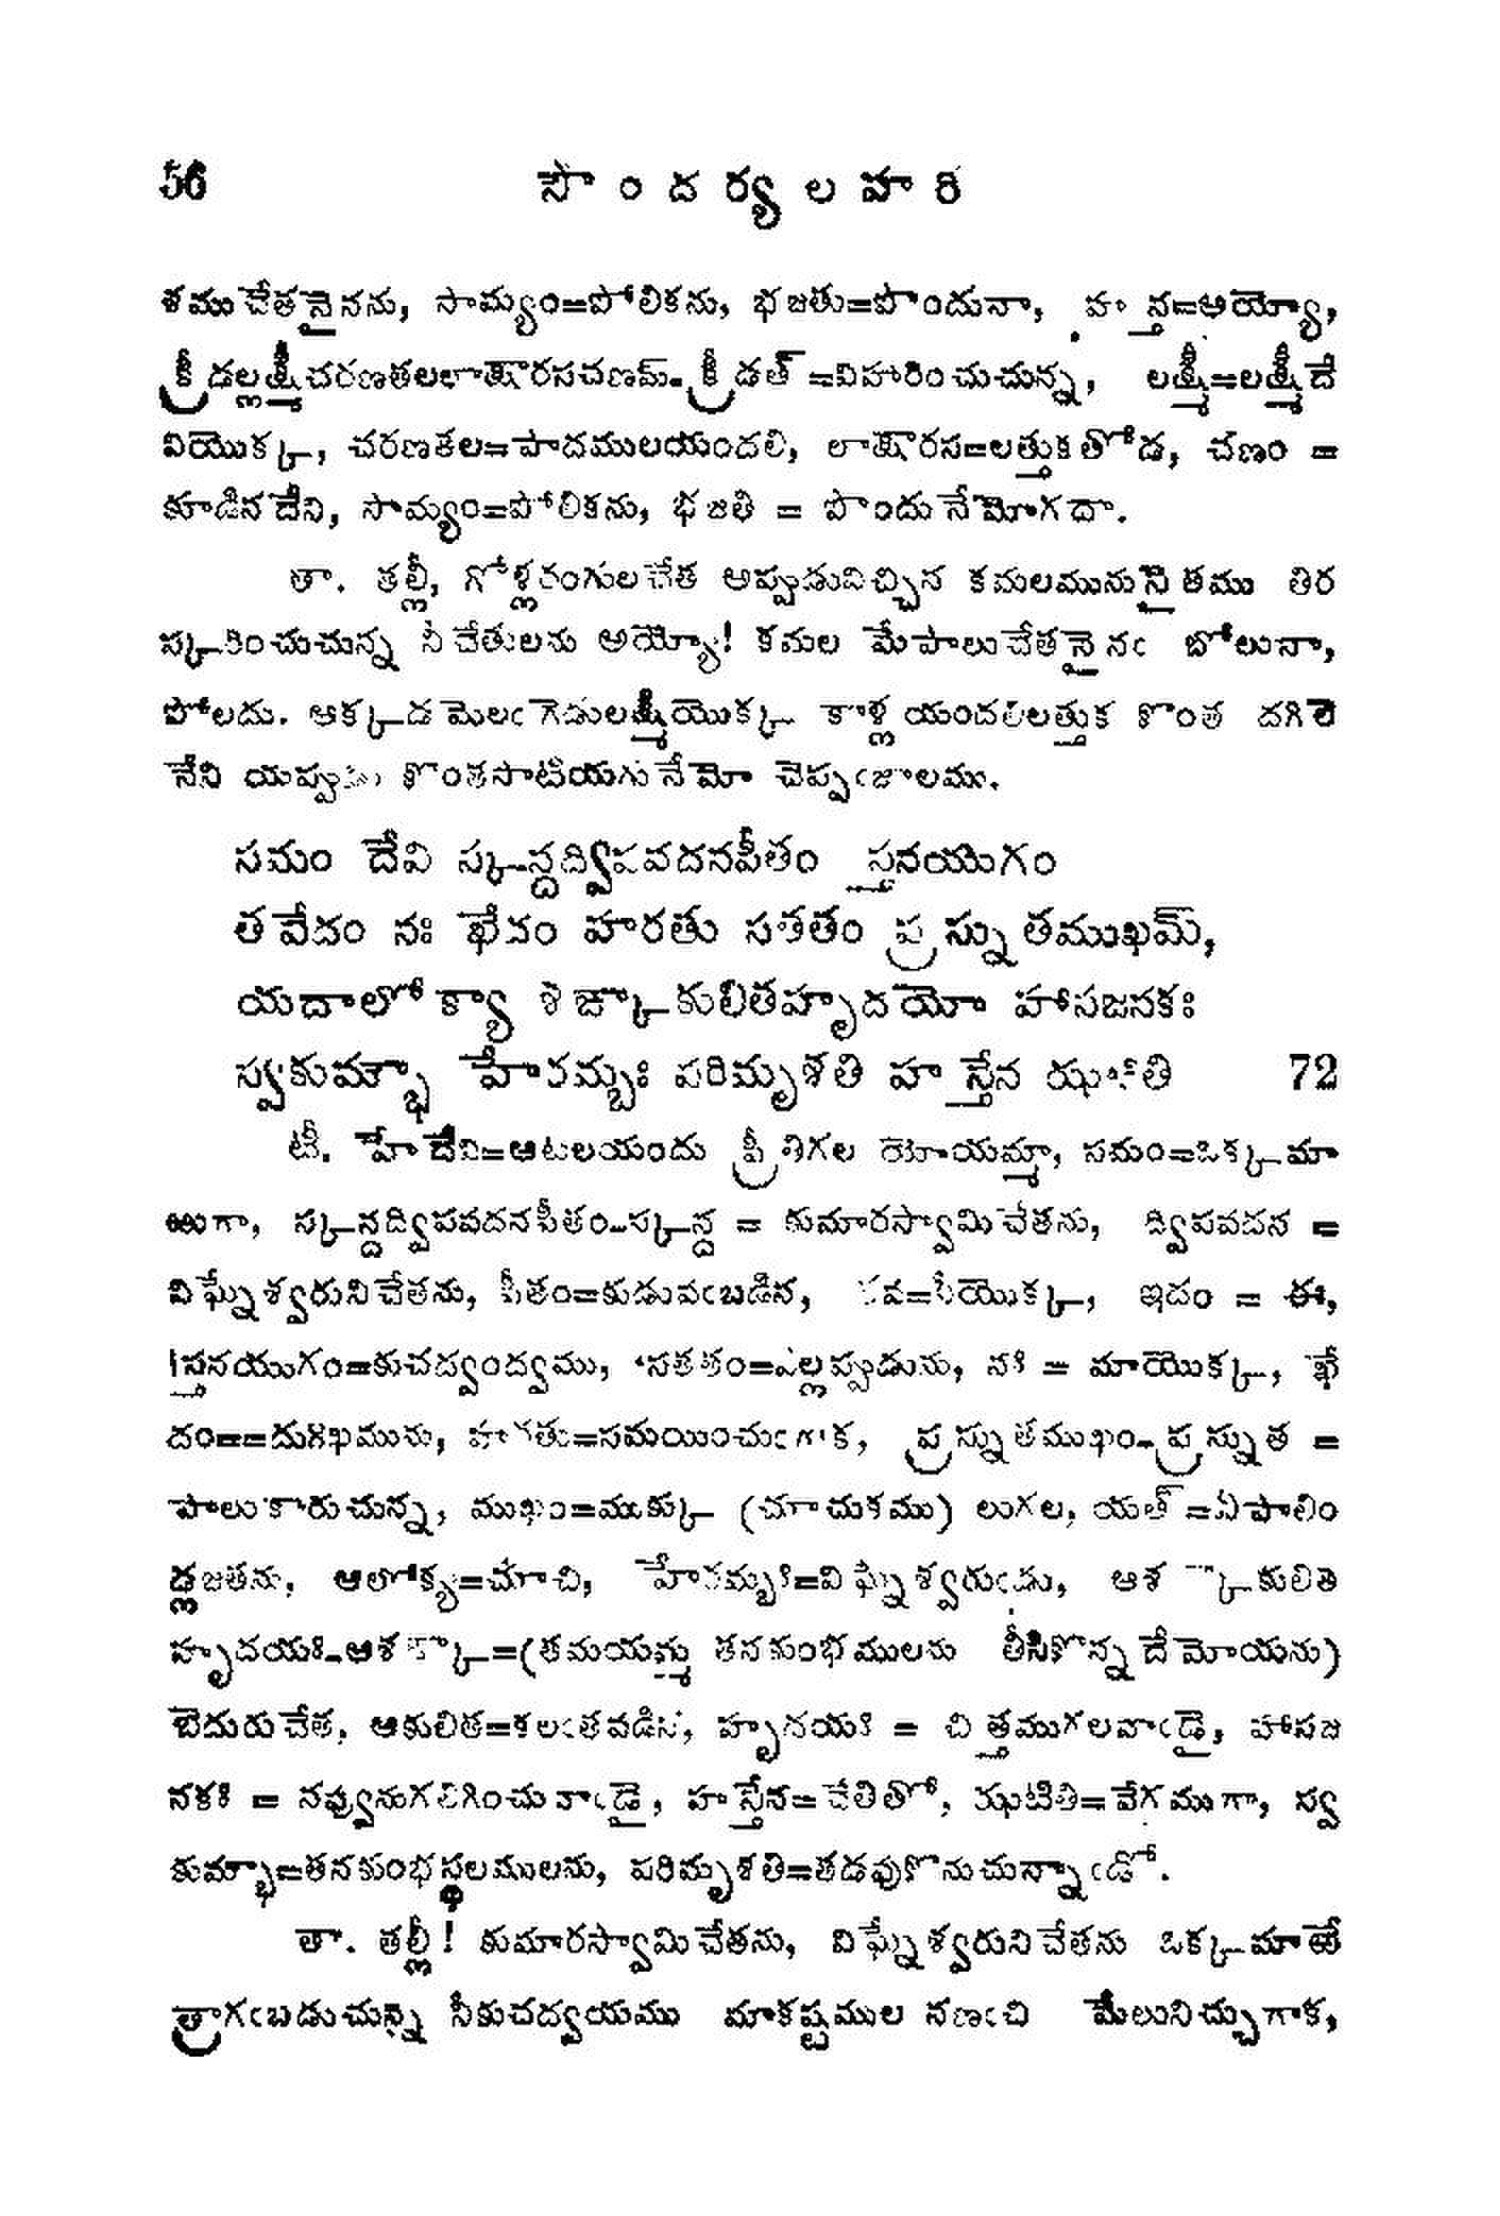శముచేతనైనను, సామ్యం = పోలికను, భజతు = పొందునా, హన్త = అయ్యో, క్రీడల్లక్ష్మీచరణతలలాక్షారసచణమ్-క్రీడత్ = విహారించుచున్న, లక్ష్మీ = లక్ష్మీదేవియొక్క, చరణతల = పాదములయందలి, లాక్షారస = లత్తుకతోడ, చణం = కూడినదేని, సామ్యం = పోలికను, భజతి = పొందునేమోగదా.

తా. తల్లీ, గోళ్లరంగులచేత అప్పుడువిచ్చిన కమలమునుసైతము తిరస్కరించుచున్న నీ చేతులను అయ్యో! కమల మేపాలుచేతనైనఁ బోలునా, పోలదు. అక్కడమెలఁగెడులక్ష్మి యొక్క కాళ్ల యందలిలత్తుక కొంత దగిలెనేని యప్పుడు కొంతసాటియగునేమో చెప్పఁజాలము.

సమం దేవి స్కన్దద్విపవదనపీతం స్తనయుగం
తవేదం నః ఖేదం హరతు సతతం ప్రస్నుతముఖమ్,
యదాలోక్యా శఙ్కాకులితహృదయో హాసజనకః
స్వకుమ్భౌ హేరమ్బః పరిమృశతి హస్తేన ఝటితి 72
టీ. హేదేవి = ఆటలయందు ప్రీతిగల యోయమ్మా, సమం = ఒక్కమాఱుగా, స్కన్దద్విపవదనపీతం-స్కన్ద = కుమారస్వామిచేతను, ద్విపవదన = విఘ్నేశ్వరునిచేతను, పీతం = కుడువఁబడిన, తవ = నీయొక్క, ఇదం = ఈ, స్తనయుగం = కుచద్వందము, సతతం = ఎల్లప్పుడును, నః = మాయొక్క, ఖేదం = దుఃఖమును, హరతు = సమయించుఁగాక, ప్రస్నుతముఖం-ప్రస్నుత = పాలుకారుచున్న, ముఖం = ముక్కు(చూచుకము)లుగల, యత్ = ఏపాలిండ్లజతను, ఆలోక్య = చూచి, హేరమ్బః = విఘ్నేశ్వరుఁడు, ఆశఙ్కాకులితహృదయః-ఆశఙ్కా = (తమయమ్మ తనకుంభములను తీసికొన్నదేమోయను) బెదురుచేత, ఆకులిత = కలఁతవడిన, హృదయః = చిత్తముగలవాఁడై, హాసజనకః = నవ్వునుగలిగించువాఁడై, హస్తేన = చేతితో, ఝటితి = వేగముగా, స్వకుమ్భౌ = తనకుంభస్థలములను, పరిమృశతి = తడవుకొనుచున్నాఁడో.

తా. తల్లీ! కుమారస్వామిచేతను, విఘ్నేశ్వరునిచేతను ఒక్కమాఱే త్రాగఁబడుచున్న నీకుచద్వయము మాకష్టముల నణఁచి మేలునిచ్చుగాక,